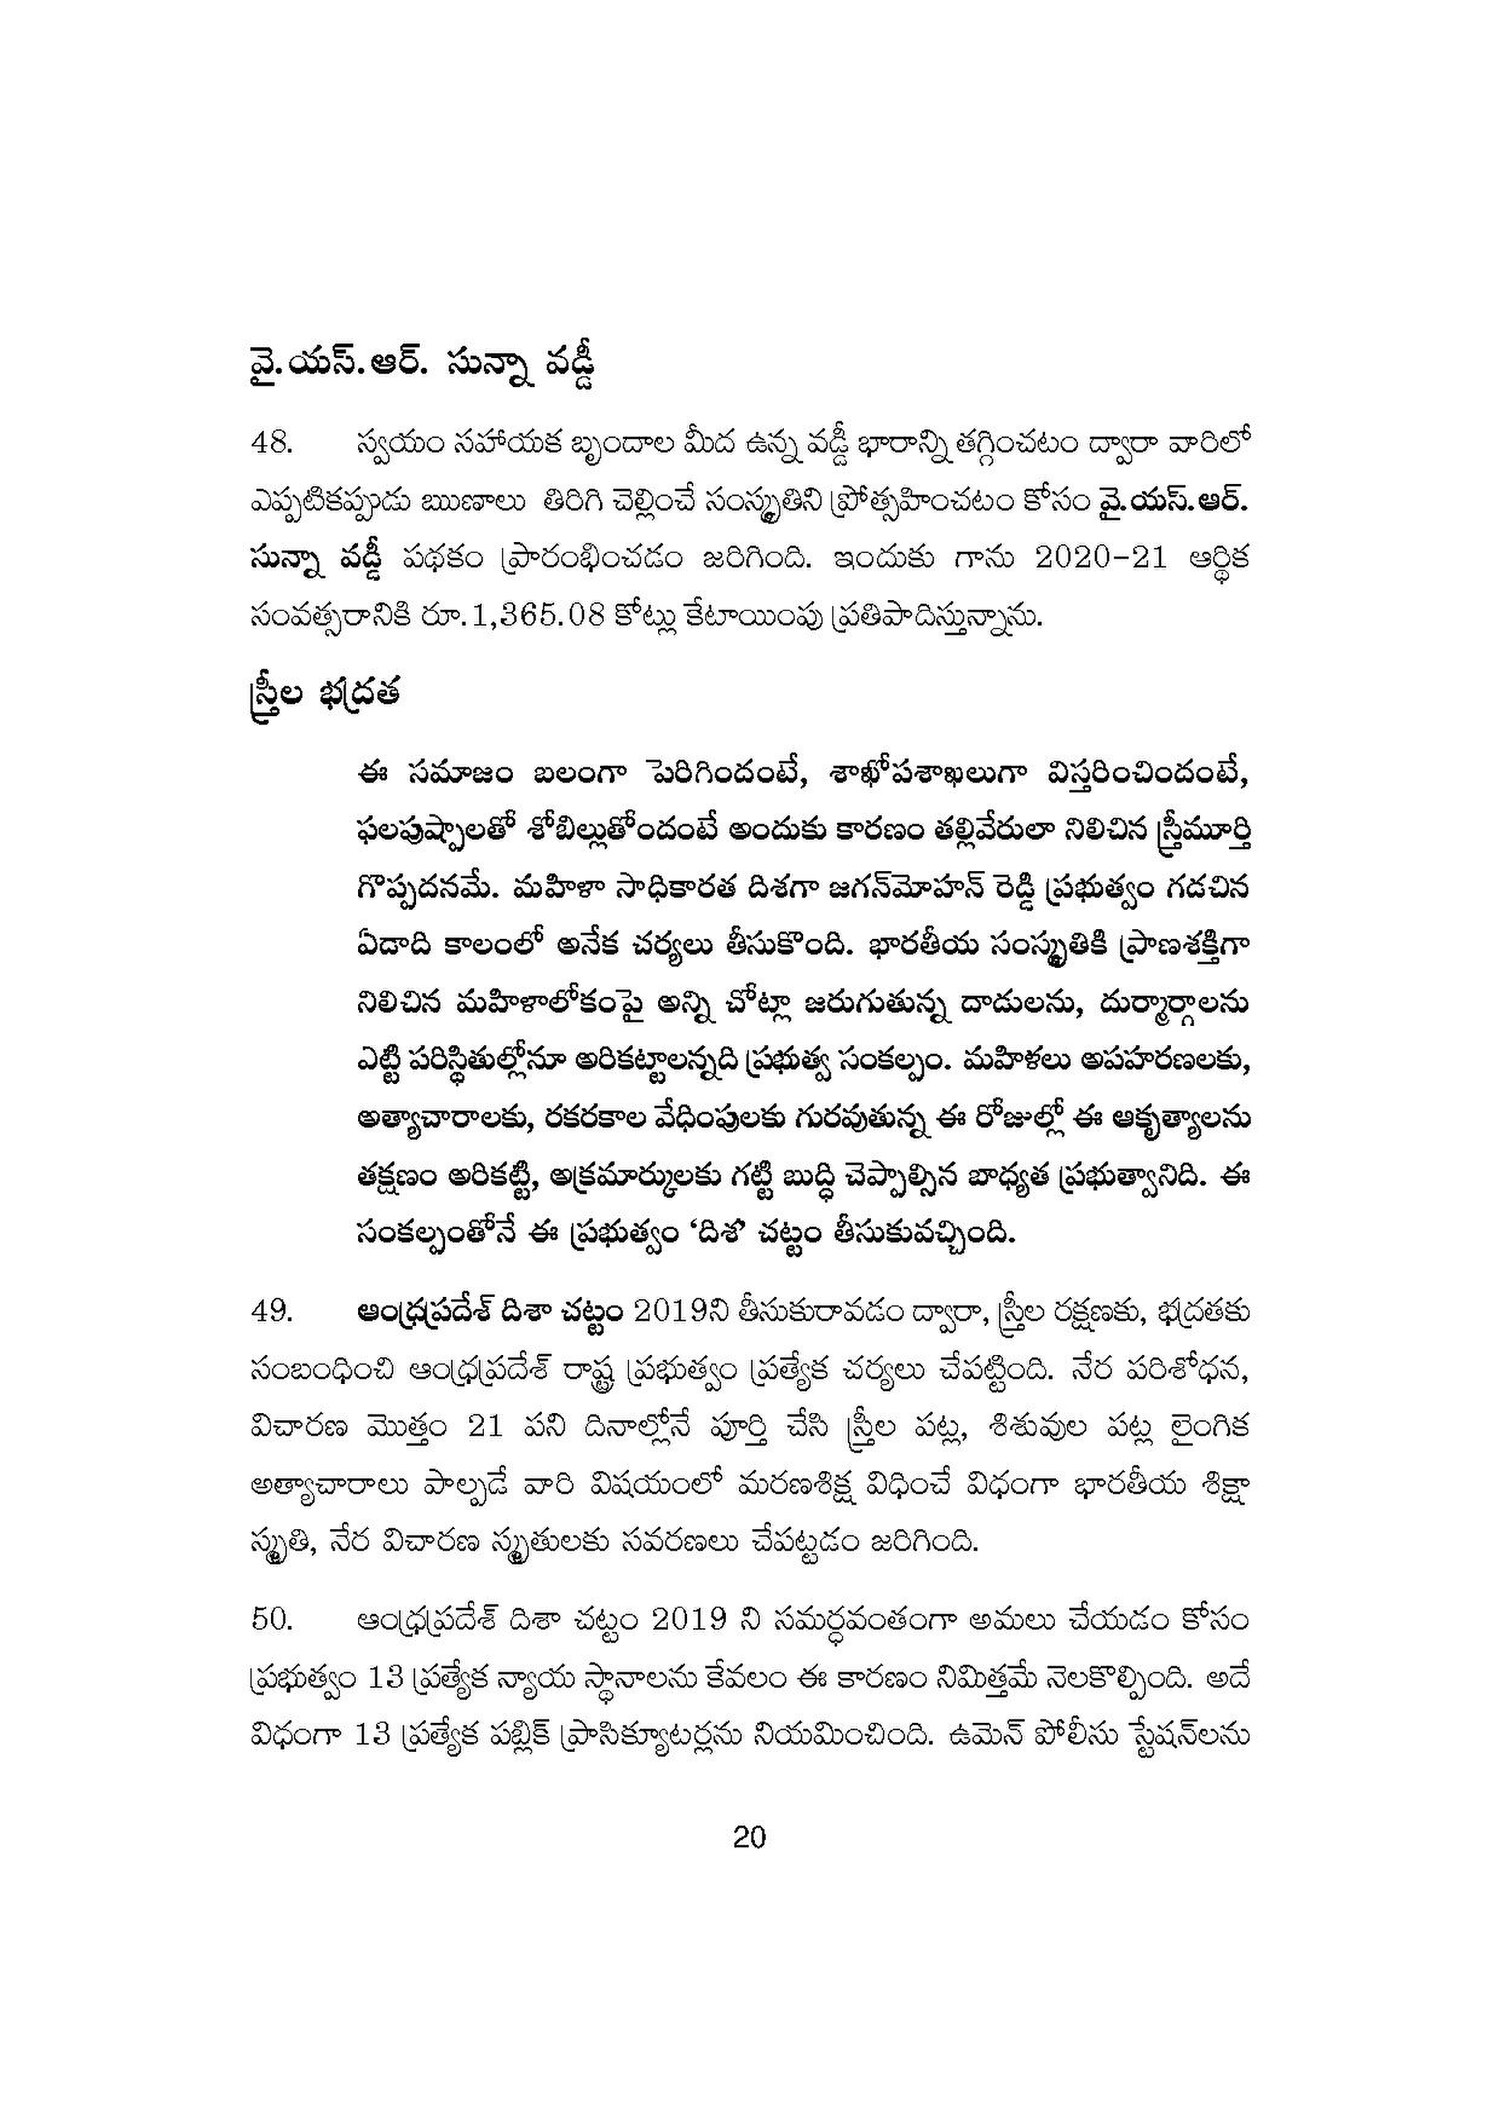వై.యస్.ఆర్. సున్నా వడ్డీ
48. స్వయం సహాయక బృందాల మీద ఉన్న వడ్డీ భారాన్ని తగ్గించటం ద్వారా వారిలో ఎప్పటికప్పుడు ఋణాలు తిరిగి చెల్లించే సంస్కృతిని ప్రోత్సహించటం కోసం వై.యస్.ఆర్. సున్నా వడ్డీ పథకం ప్రారంభించడం జరిగింది. ఇందుకు గాను 2020-21 ఆర్థిక సంవత్సరానికి రూ.1,365.08 కోట్లు కేటాయింపు ప్రతిపాదిస్తున్నాను. 

స్త్రీల భద్రత

ఈ సమాజం బలంగా పెరిగిందంటే, శాఖోపశాఖలుగా విస్తరించిందంటే, ఫలపుష్పాలతో శోబిల్లుతోందంటే అందుకు కారణం తల్లివేరులా నిలిచిన స్త్రీమూర్తి గొప్పదనమే. మహిళా సాధికారత దిశగా జగన్మో హన్ రెడ్డి ప్రభుత్వం గడచిన ఏడాది కాలంలో అనేక చర్యలు తీసుకొంది. భారతీయ సంస్కృతికి ప్రాణశక్తిగా నిలిచిన మహిళాలోకంపై అన్ని చోట్లా జరుగుతున్న దాడులను, దుర్మార్గాలను ఎట్టి పరిస్థితుల్లోనూ అరికట్టాలన్నది ప్రభుత్వ సంకల్పం. మహిళలు అపహరణలకు, అత్యాచారాలకు, రకరకాల వేధింపులకు గురవుతున్న ఈ రోజుల్లో ఈ ఆకృత్యాలను తక్షణం అరికట్టి, అక్రమార్కులకు గట్టి బుద్ధి చెప్పాల్సిన బాధ్యత ప్రభుత్వానిది. ఈ సంకల్పంతోనే ఈ ప్రభుత్వం 'దిశ' చట్టం తీసుకువచ్చింది. 
49. ఆంధ్రప్రదేశ్ దిశా చట్టం 2019ని తీసుకురావడం ద్వారా, స్త్రీల రక్షణకు, భద్రతకు సంబంధించి ఆంధ్రప్రదేశ్ రాష్ట్ర ప్రభుత్వం ప్రత్యేక చర్యలు చేపట్టింది. నేర పరిశోధన, విచారణ మొత్తం 21 పని దినాల్లోనే పూర్తి చేసి స్త్రీల పట్ల, శిశువుల పట్ల లైంగిక అత్యాచారాలు పాల్పడే వారి విషయంలో మరణశిక్ష విధించే విధంగా భారతీయ శిక్షా స్మృతి, నేర విచారణ స్మృతులకు సవరణలు చేపట్టడం జరిగింది. , 50. ఆంధ్రప్రదేశ్ దిశా చట్టం 2019 ని సమర్థవంతంగా అమలు చేయడం కోసం ప్రభుత్వం 13 ప్రత్యేక న్యాయ స్థానాలను కేవలం ఈ కారణం నిమిత్తమే నెలకొల్పింది. అదే విధంగా 13 ప్రత్యేక పబ్లిక్ ప్రాసిక్యూటర్లను నియమించింది. ఉమెన్ పోలీసు స్టేషన్లను